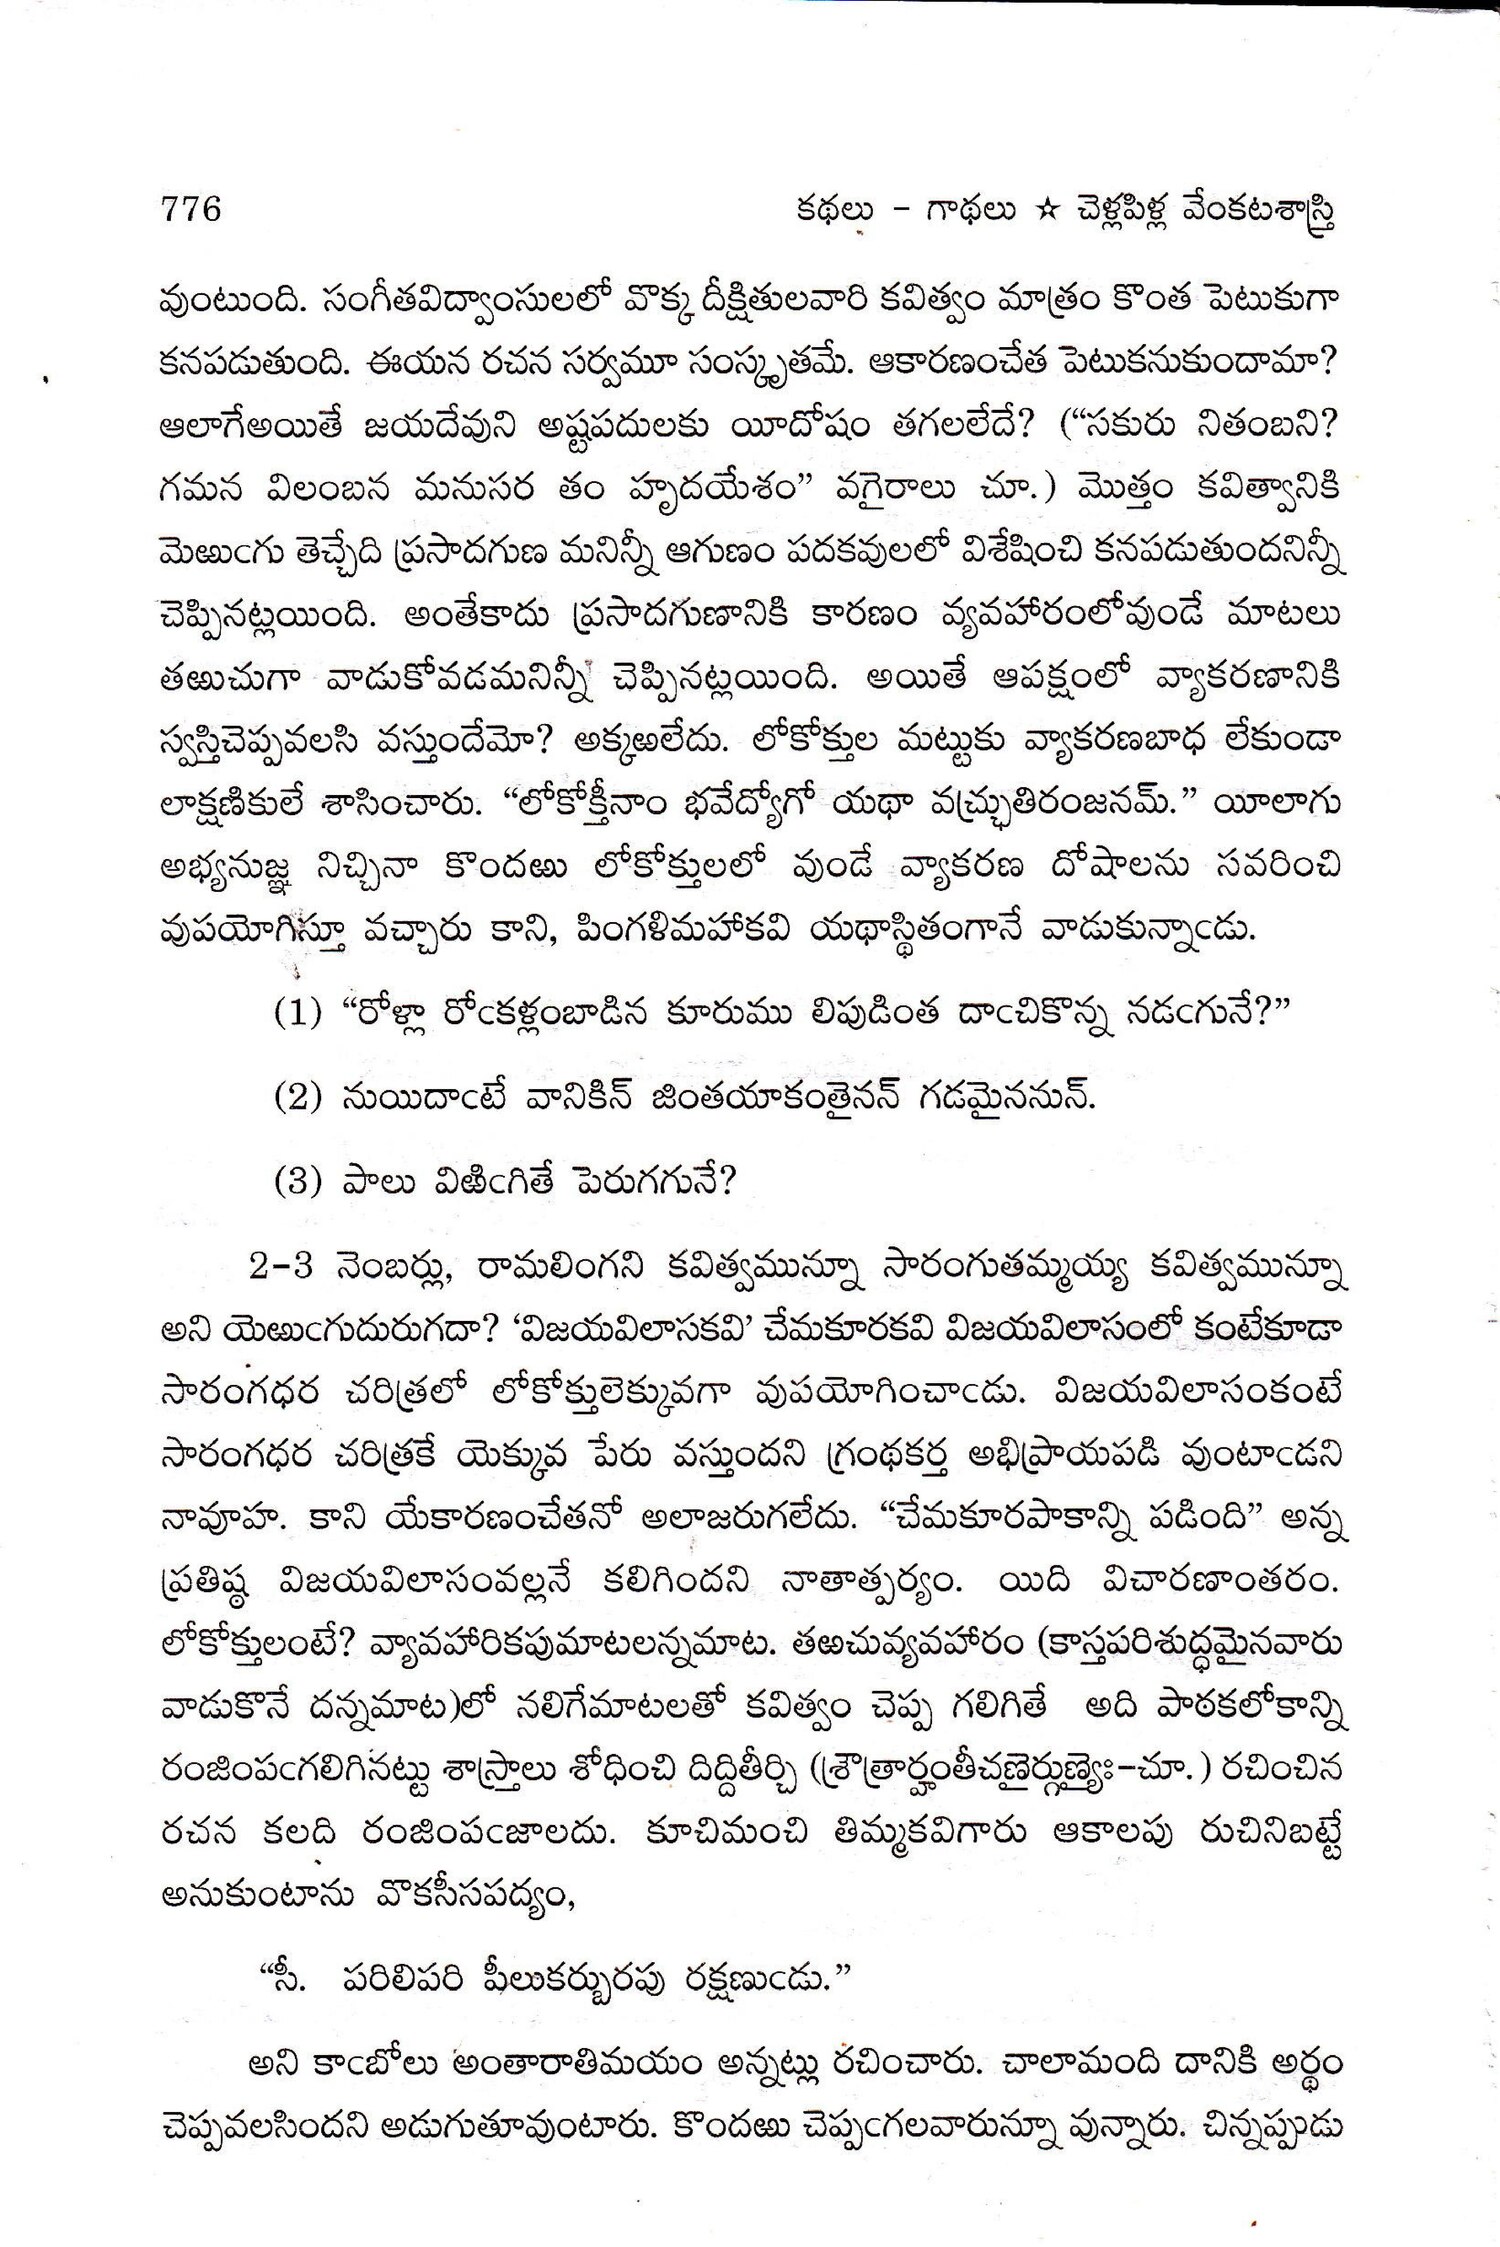వుంటుంది. సంగీతవిద్వాంసులలో వొక్క దీక్షితులవారి కవిత్వం మాత్రం కొంత పెటుకుగా కనపడుతుంది. ఈయన రచన సర్వమూ సంస్కృతమే. ఆకారణంచేత పెటుకనుకుందామా? ఆలాగేఅయితే జయదేవుని అష్టపదులకు యీదోషం తగలలేదే? (“సకురు నితంబని? గమన విలంబన మనుసర తం హృదయేశం" వగైరాలు చూ.) మొత్తం కవిత్వానికి మెఱుఁగు తెచ్చేది ప్రసాదగుణ మనిన్నీ ఆగుణం పదకవులలో విశేషించి కనపడుతుందనిన్నీ చెప్పినట్లయింది. అంతేకాదు ప్రసాదగుణానికి కారణం వ్యవహారంలోవుండే మాటలు తఱుచుగా వాడుకోవడమనిన్నీ చెప్పినట్లయింది. అయితే ఆపక్షంలో వ్యాకరణానికి స్వస్తిచెప్పవలసి వస్తుందేమో? అక్కఱలేదు. లోకోక్తుల మట్టుకు వ్యాకరణబాధ లేకుండా లాక్షణికులే శాసించారు. "లోకోక్తీనాం భవేద్యోగో యథా వచ్ఛ్రుతిరంజనమ్." యీలాగు అభ్యనుజ్ఞ నిచ్చినా కొందఱు లోకోక్తులలో వుండే వ్యాకరణ దోషాలను సవరించి వుపయోగిస్తూ వచ్చారు కాని, పింగళిమహాకవి యథాస్థితంగానే వాడుకున్నాఁడు.

(1) “రోళ్లా రోఁకళ్లంబాడిన కూరుము లిపుడింత దాcచికొన్న నడఁగునే?”

(2) నుయిదాఁటే వానికిన్ జింతయూకంతైనన్ గడమైననున్.

(3) పాలు విఱిఁగితే పెరుగగునే?

2-3 నెంబర్లు, రామలింగని కవిత్వమున్నూ సారంగుతమ్మయ్య కవిత్వమున్నూ అని యెఱుఁగుదురుగదా? 'విజయవిలాసకవి' చేమకూరకవి విజయవిలాసంలో కంటేకూడా సారంగధర చరిత్రలో లోకోక్తులెక్కువగా వుపయోగించాఁడు. విజయవిలాసంకంటే సారంగధర చరిత్రకే యెక్కువ పేరు వస్తుందని గ్రంథకర్త అభిప్రాయపడి వుంటాఁడని నావూహ. కాని యేకారణంచేతనో అలాజరుగలేదు. "చేమకూరపాకాన్ని పడింది” అన్న ప్రతిష్ఠ విజయవిలాసంవల్లనే కలిగిందని నాతాత్పర్యం. యిది విచారణాంతరం. లోకోక్తులంటే? వ్యావహారికపుమాటలన్నమాట. తఱచువ్యవహారం (కాస్తపరిశుద్ధమైనవారు వాడుకొనే దన్నమాట)లో నలిగేమాటలతో కవిత్వం చెప్ప గలిగితే అది పాఠకలోకాన్ని రంజింపఁగలిగినట్టు శాస్త్రాలు శోధించి దిద్దితీర్చి (శ్రౌత్రార్హంతీచణైర్గుణ్యైః-చూ.) రచించిన రచన కలది రంజింపఁజాలదు. కూచిమంచి తిమ్మకవిగారు ఆకాలపు రుచినిబట్టే అనుకుంటాను వొకసీసపద్యం,

“సీ. పరిలిపరి పీలుకర్బురపు రక్షణుఁడు."

అని కాఁబోలు అంతారాతిమయం అన్నట్లు రచించారు. చాలామంది దానికి అర్థం చెప్పవలసిందని అడుగుతూవుంటారు. కొందఱు చెప్పఁగలవారున్నూ వున్నారు. చిన్నప్పుడు